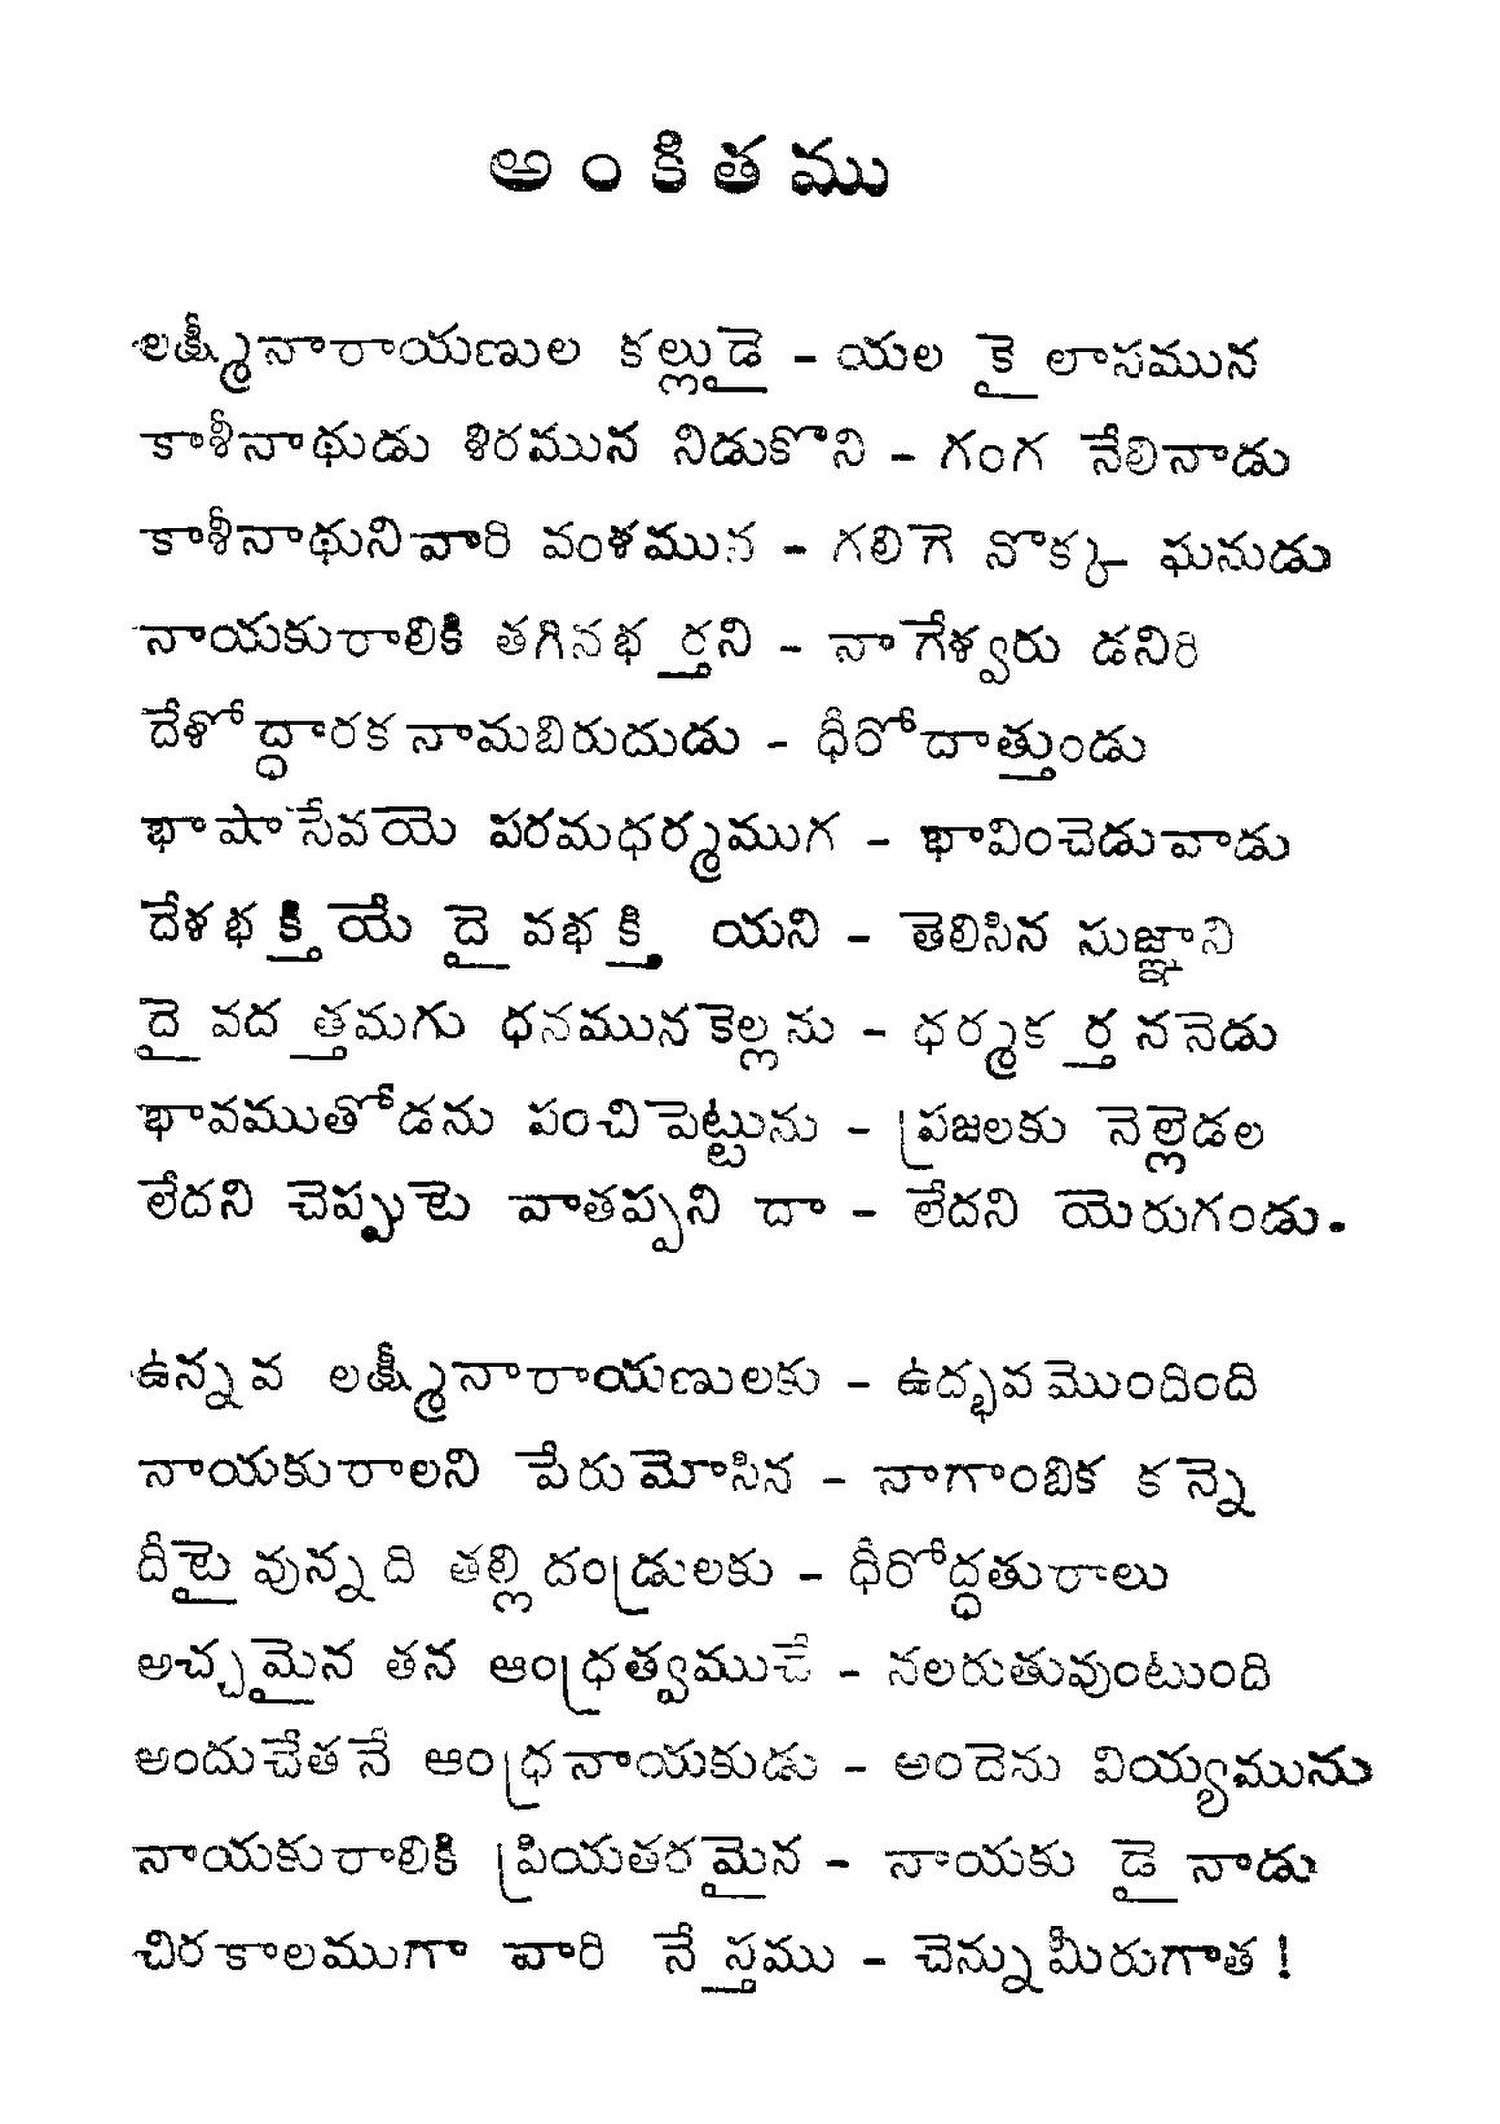అంకితము

లక్ష్మీనారాయణుల కల్లుడై - యల కైలాసమున
కాశీనాథుడు శిరమున నిడుకొని - గంగ నేలినాడు
కాశీనాథుని వారి వంశమున - గలిగె నొక్క ఘనుడు
నాయకురాలికి తగినభర్తని - నాగేశ్వరు డనిరి
దేశోద్ధారకనామబిరుదుడు - ధీరోదాత్తుండు
భాషాసేవయే పరమధర్మముగ - భావించెడువాడు
దేశభక్తియే దైవభక్తి యని - తెలిసిన సుజ్ఞాని
దైవదత్తమగు ధనమునకెల్లను - ధర్మకర్తననెడు
భావముతోడను పంచిపెట్టును - ప్రజలకు నెల్లెడల
లేదని చెప్పుటే వాతప్పని దా - లేదని యెరుగండు.

ఉన్నవ లక్మీనారాయణులకు - ఉద్భవమొందింది
నాయకురాలని పేరుమోసిన - నాగాంబిక కన్నె
దీటై వున్నది తల్లిదండ్రులకు - ధీరోద్ధతురాలు
అచ్చమైన తన ఆంధ్రత్వముచే - నలరుతువుంటుంది
అందుచేతనే ఆంధ్రనాయకుడు - అందెను వియ్యమును
నాయకురాలికి ప్రియతరమైన - నాయకు డై నాడు
చిరకాలముగా వారి నేస్తము - చెన్ను మీరుగాత!